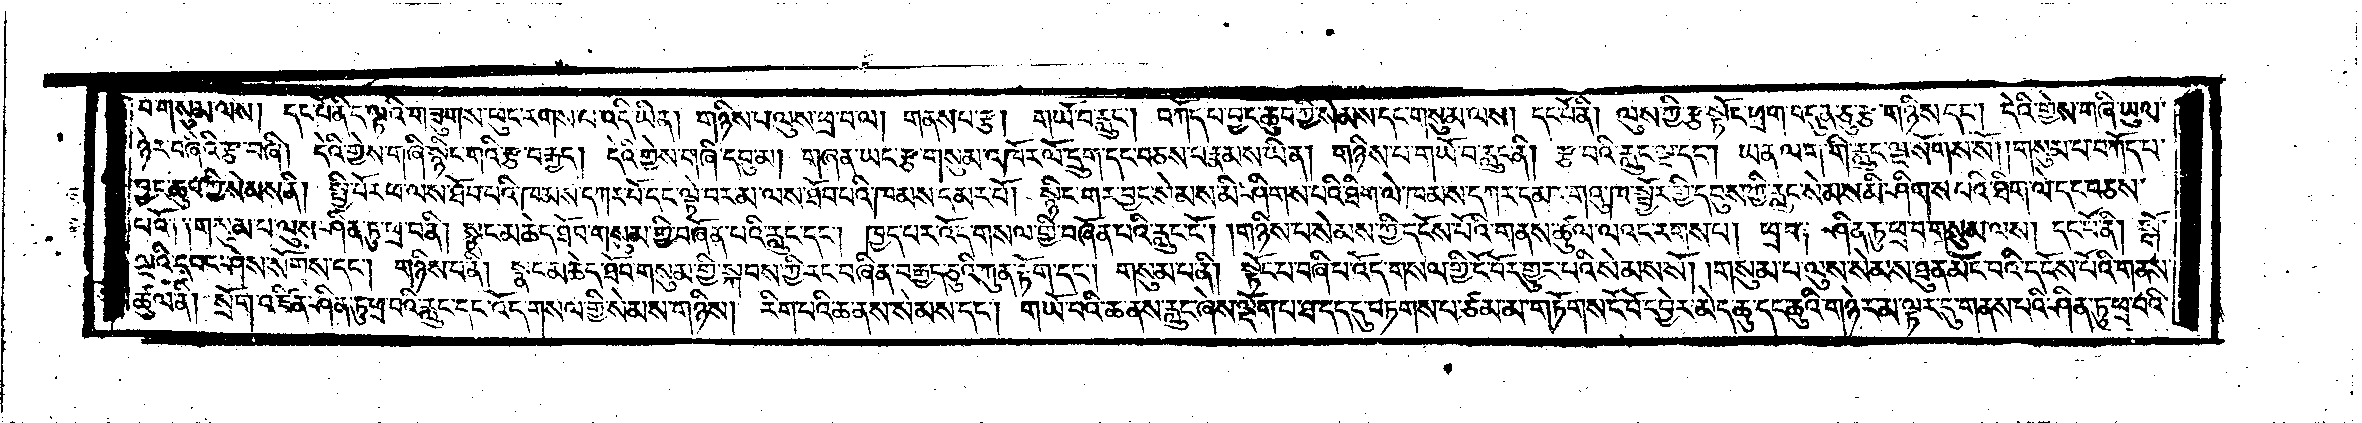བ་གསུམ་ལས། དང་པོ་ནི་ད་ལྟའི་གཟུགས་ཕུང་རགས་པ་འདི་ཡིན། གཉིས་པ་ལུས་ཕྲ་བ་ལ། གནས་པ་རྩ། གཡོ་བ་རླུང་། བཀོད་པ་བྱང་ཆུབ་ཀྱི་སེམས་དང་གསུམ་ལས། དང་པོ་ནི། ལུས་ཀྱི་རྩ་སྟོང་ཕྲག་བདུན་ཅུ་རྩ་གཉིས་དང་། དེའི་གྱེས་གཞི་ཡུལ་
ཉེར་བཞིའི་རྩ་བའི། དེའི་གྱེས་གཞི་སྙིང་གའི་རྩ་བརྒྱད། དེའི་གྱེས་གཞི་དབུ་མ། གཞན་ཡང་རྩ་གསུམ་འཁོར་ལོ་དྲུག་དང་བཅས་པ་རྣམས་ཡིན། གཉིས་པ་གཡོ་བ་རླུང་ནི། རྩ་བའི་རླུང་ལྔ་དང་། ཡན་ལག་གི་རླུང་ལྔ་སོགས་སོ། །གསུམ་པ་བཀོད་པ་
བྱང་ཆུབ་ཀྱི་སེམས་ནི། སྤྱི་བོར་ཕ་ལས་ཐོབ་པའི་ཁམས་དཀར་པོ་དང་ལྟེ་བར་མ་ལས་ཐོབ་པའི་ཁམས་དམར་པོ། སྙིང་གར་བྱང་སེམས་མི་ཤིགས་པའི་ཐིག་ལེ་ཁམས་དཀར་དམར་གའུ་ཁ་སྦྱོར་གྱི་དབུས་ཀྱི་རླུང་སེམས་མི་ཤིགས་པའི་ཐིག་ལེ་དང་བཅས་
པའོ༑ ༑གསུམ་པ་ལུས་ཤིན་ཏུ་ཕྲ་བ་ནི། སྣང་མཆེད་ཐོབ་གསུམ་གྱི་བཞོན་པའི་རླུང་དང་། ཁྱད་པར་འོད་གསལ་གྱི་བཞོན་པའི་རླུང་ངོ། །གཉིས་པ་སེམས་ཀྱི་དངོས་པོའི་གནས་ཚུལ་ལའང་རགས་པ། ཕྲ་བ༑ ཤིན་ཏུ་ཕྲ་བ་གསུམ་ལས། དང་པོ་ནི། སྒོ་
ལྔའི་དབང་ཤེས་སོགས་དང་། གཉིས་པ་ནི། སྣང་མཆེད་ཐོབ་གསུམ་གྱི་སྐབས་ཀྱི་རང་བཞིན་བརྒྱད་ཅུའི་ཀུན་རྟོག་དང་། གསུམ་པ་ནི། སྟོང་པ་བཞི་པ་འོད་གསལ་གྱི་ངོ་བོར་གྱུར་པའི་སེམས་སོ། །གསུམ་པ་ལུས་སེམས་ཐུན་མོང་བའི་དངོས་པོའི་གནས་
ཚུལ་ནི། སྲོག་འཛིན་ཤིན་ཏུ་ཕྲ་བའི་རླུང་དང་འོད་གསལ་གྱི་སེམས་གཉིས། རིག་པའི་ཆ་ནས་སེམས་དང་། གཡོ་བའི་ཆ་ནས་རླུང་ཞེས་ལྡོག་པ་ཐ་དད་དུ་བཏགས་པ་ཙམ་མ་གཏོགས་ངོ་བོ་དབྱེར་མེད་ཆུ་དང་ཆུའི་གཉེར་མ་ལྟར་དུ་གནས་པའི་ཤིན་ཏུ་ཕྲ་བའི་